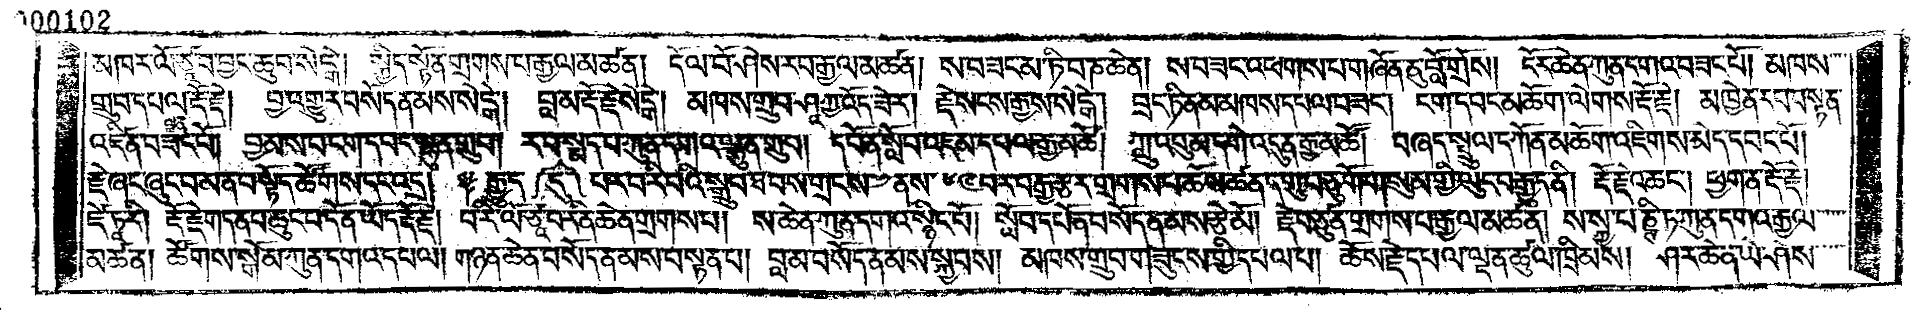མཁར་ལོ་ཙཱ་བ་བྱང་ཆུབ་སེངྒེ། སྐྱིད་སྟོན་གྲགས་པ་རྒྱལ་མཚན། དོལ་བོ་ཤེས་རབ་རྒྱལ་མཚན། ས་བཟང་མ་ཏི་པཎ་ཆེན། ས་བཟང་འཕགས་པ་གཞོན་ནུ་བློ་གྲོས། ངོར་ཆེན་ཀུན་དགའ་བཟང་པོ། མཁས་
གྲུབ་དཔལ་རྡོ་རྗེ། བྱ་འགྱུར་བསོད་ནམས་སེངྒེ། བླ་མ་རྡོ་རྗེ་སེངྒེ། མཁས་གྲུབ་ཤཱཀྱ་འོད་ཟེར། རྗེ་སངས་རྒྱས་སེངྒེ། བྲང་ཏི་ནམ་མཁས་དཔལ་བཟང་། ངག་དབང་མཆོག་ལེགས་རྡོ་རྗེ། མཁྱེན་རབ་བསྟན་
འཛིན་བཟང་པོ། བྱམས་པ་ངག་དབང་ལྷུན་གྲུབ། ར་བ་སྨད་པ་ཀུན་དགའ་ལྷུན་གྲུབ། དཔོན་སློབ་འཇམ་དཔལ་རྒྱ་མཚོ། ཀླུ་འབུམ་དགེ་འདུན་རྒྱ་མཚོ། བཞད་སྤྲུལ་དཀོན་མཆོག་འཇིགས་མེད་དབང་པོ།
རྗེ་ཞང་ཞུང་བ་མན་བསྟོད་ཚོགས་དང་འདྲ། ༈ རྒྱུད ༼དུ༽ པར་བ་རི་བའི་སྒྲུབ་ཐབས་གྲངས ༤་ནས ༦༩་བར་བརྒྱ་རྩར་གྲགས་པ་ཆོས་ཚན་དགུ་བཅུ་གོ་གསུམ་གྱི་ལུང་བརྒྱུད་ནི། རྡོ་རྗེ་འཆང་། ཕྱག་ན་རྡོ་རྗེ།
ཛེ་ཏཱ་རི། རྡོ་རྗེ་གདན་པ་ཆུང་བ་དོན་ཡོད་རྡོ་རྗེ། བ་རི་ལོ་ཙཱ་བ་རིན་ཆེན་གྲགས་པ། ས་ཆེན་ཀུན་དགའ་སྙིང་པོ། སློབ་དཔོན་བསོད་ནམས་རྩེ་མོ། རྗེ་བཙུན་གྲགས་པ་རྒྱལ་མཚན། ས་སྐྱ་པཎྚི་ཏ་ཀུན་དགའ་རྒྱལ་
མཚན། ཚོགས་སྒོམ་ཀུན་དགའ་དཔལ། གཉན་ཆེན་བསོད་ནམས་བསྟན་པ། བླ་མ་བསོད་ནམས་སྐྱབས། མཁས་གྲུབ་གཟུངས་གྱི་དཔལ་པ། ཆོས་རྗེ་དཔལ་ལྡན་ཚུལ་ཁྲིམས། ཤར་ཆེན་ཡེ་ཤེས་